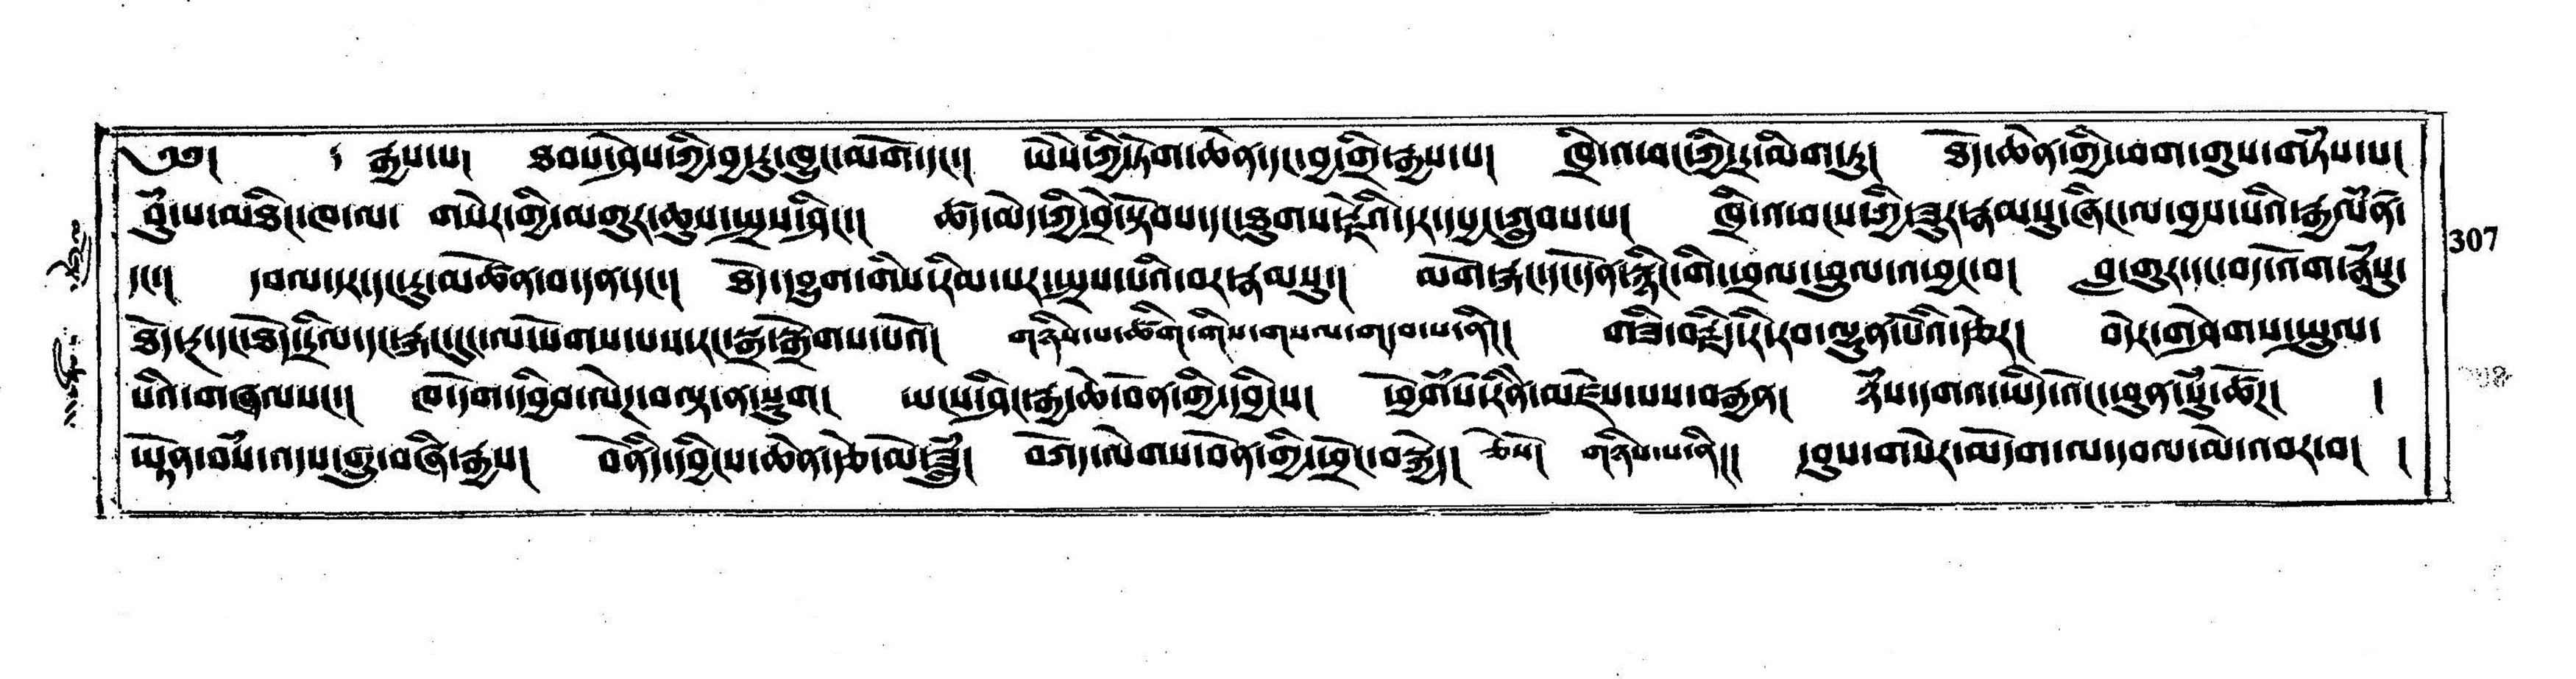རྒྱས་པ། ཐབས་ཤེས་ཀྱི་བྱ་རུ་ཁྱུང་མགོ་དང་། ཡེ་ཤེས་ཀྱི་ཏོག་ཆེན་དང་བྱ་གྲི་རྒྱས་པ། ཁྲི་འཕང་ཀྱི་དྲ་མིག་ཏུ། ཐོད་ཆེན་གྱི་ཕག་གུས་གཏམས་པ། 
བུམ་པ་མཐིང་ཁ་ལ་གསེར་གྱི་མགུར་ཆུས་སྤྲས་ཤིང་། ཚད་མེད་ཀྱི་བྲེ་སྟོབས་དང་ཐུགས་རྗེའི་དར་དཔྱང་ཀླུབས་པ། ཁྲི་འཕངས་ཀྱི་ཟུར་རྣམས་སུ་ཞིང་ལ་བྱས་པའི་རྒྱལ་མཚན་
དང་། དབལ་དར་དང་རུ་མཚོན་བ་དན་དང་། ཐོད་དབྱུག་གིས་རིམ་པར་སྤྲས་པའི་བར་རྣམས་སུ། མགོ་རྐང་དང་དོན་སྙིང་གི་ཕྲལ་ཕྲུལ་འཕྱང་བ། བླ་གུར་དང་བད་འོག་རྣམས་སུ་
ཐོད་རྔ་དང་ཐོད་དྲིལ་དང་རྐང་དུང་ལ་སོགས་པས་རང་སྒྲ་སྒྲོགས་པའོ། གཉིས་པ་ཚིག་གིས་གསལ་གདབ་པ་ནི།། གཟི་བརྗིད་རི་རབ་ལྷུན་པོའི་རྩེར། བདེར་གཤེགས་སྤྲུལ་
པའི་གཞལ་ཡས་ཁང་། ཁ་དོག་དབྱིབ་ལེགས་བལྟ་ན་སྡུག ཡངས་ཤིང་རྒྱ་ཆེ་བོན་གྱི་དབྱིངས། ཕྱོགས་མཚམས་རིན་ཆེན་མཛེས་པས་བརྒྱན། ཉམས་དགའ་ཡིད་འོང་ཕུན་སུམ་ཚོགས། 
ཡོན་ཏན་བསམ་འདས་གྲུ་བཞི་རྒྱས། བོན་ཉིད་དབྱིངས་ཆེན་རྩེ་མོ་ཟླུམ། བཀོད་ལེགས་བོན་གྱི་ཕོ་བྲང་བསྐྱེད། ཅེས་སོ།གཉིས་པ་ནི།། དབུས་གསེར་མདོག་ལ་དབལ་མེ་འབར་བ།